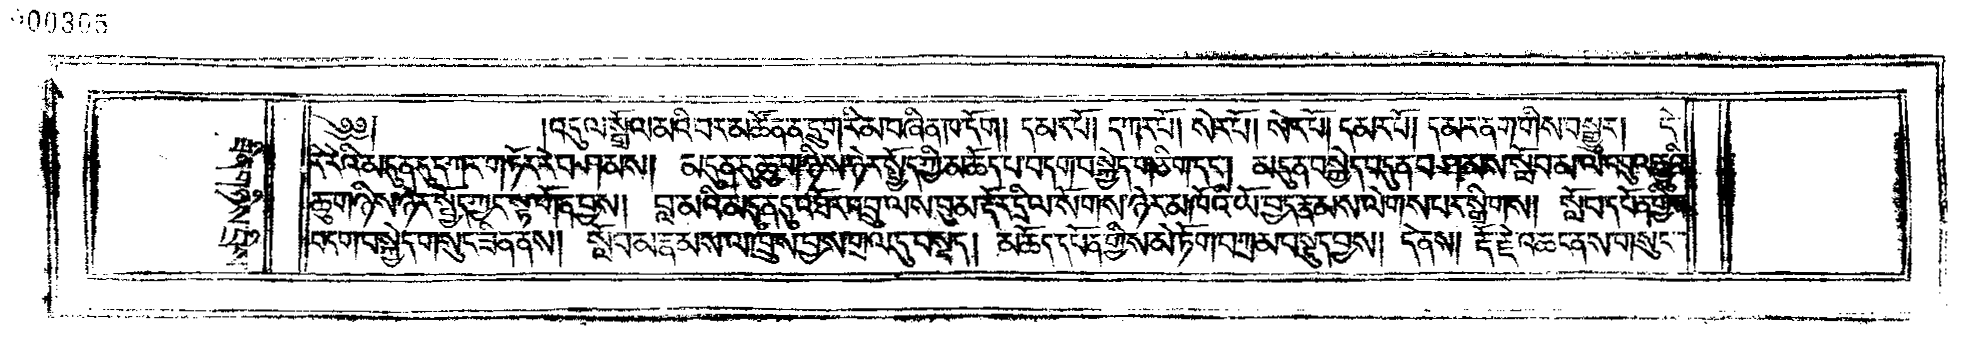༄༅། །འདུལ་སྒྲོལ་མའི་བར་མཚོན་ན་དྲུག་རིམ་བཞིན་ཁ་དོག །དམར་པོ། དཀར་པོ། སེར་པོ། སེར་པོ། དམར་པོ། དམར་ནག་གིས་བསྒྱུར། དེ་
རེ་རེའི་མདུན་དུ་དཀར་གཏོར་རེ་བཤམས། མདུན་དུ་ཆུ་གཉིས་ཉེར་སྤྱོད་ཀྱི་མཆོད་པ་བདག་བསྐྱེད་གཅིག་དང་། མདུན་བསྐྱེད་བདུན་བཤམས་སློབ་མ་ལ་འབུལ་རྒྱུའི་
ཆུ་གཉིས་ཉེར་སྤྱོད་ཀྱང་སྟ་གོན་བྱས། བླ་མའི་མདུན་དུ་འཐོར་འབྲུ་ལས་བུམ་རྡོར་དྲིལ་སོགས་ཉེར་མཁོའི་ཡོ་བྱད་རྣམས་ལེགས་པར་སྒྲིགས། སློབ་དཔོན་གྱིས་
བདག་བསྐྱེད་གསུང་ཟིན་ནས། སློབ་མ་རྣམས་ལ་ཁྲུས་བྱས་གྲལ་དུ་བསྡད། མཆོད་དཔོན་གྱིས་མེ་ཏོག་བཀྲམ་བསྡུད་བྱས། དེ་ནས། རྡོ་རྗེ་འཆང་ནས་གསུང་